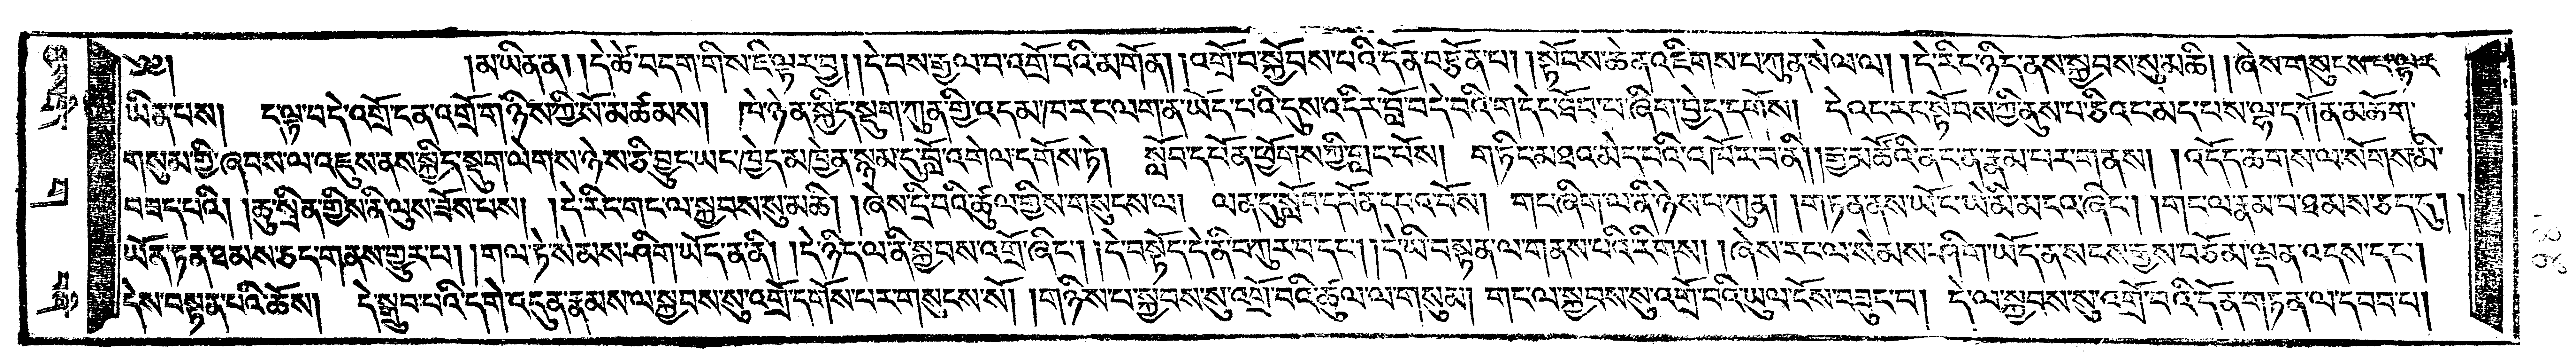༄༅། །མ་ཡིན་ན། །དེ་ཚེ་བདག་གིས་ཇི་ལྟར་བྱ། །དེ་བས་རྒྱལ་བ་འགྲོ་བའི་མགོན། །འགྲོ་བ་སྐྱོབས་པའི་དོན་བརྩོན་པ། །སྟོབས་ཆེན་འཇིགས་པ་ཀུན་སེལ་ལ། །དེ་རིང་ཉིད་ནས་སྐྱབས་སུ་མཆི། །ཞེས་གསུངས་པ་ལྟར་
ཡིན་པས། ད་ལྟ་བདེ་འགྲོ་ངན་འགྲོ་གཉིས་ཀྱི་སོ་མཚམས། ཁེ་ཉེན་སྐྱིད་སྡུག་ཀུན་གྱི་འདམ་ཁ་རང་ལག་ན་ཡོད་པའི་དུས་འདིར་བློ་བདེ་བའི་གདེང་ཐོབ་པ་ཞིག་བྱེད་དགོས། དེའང་རང་སྟོབས་ཀྱི་ནུས་པ་ཅིའང་མེད་པས་ལྷ་དཀོན་མཆོག་
གསུམ་གྱི་ཞབས་ལ་འཇུས་ནས་སྐྱིད་སྡུག་ལེགས་ཉེས་ཅི་བྱུང་ཡང་ཁྱེད་མཁྱེན་སྙམ་དུ་བློ་འགེལ་དགོས་ཏེ། སློབ་དཔོན་ཕྱོགས་ཀྱི་གླང་པོས། གཏིང་མཐའ་མེད་པའི་འཁོར་བ་ནི། །རྒྱ་མཚོའི་ནང་ན་རྣམ་པར་གནས། །འདོད་ཆགས་ལ་སོགས་མི་
བཟད་པའི། །ཆུ་སྲིན་གྱིས་ནི་ལུས་ཐོས་ཕས། །དེ་རིང་གང་ལ་སྐྱབས་སུ་མཆི། །ཞེས་དྲི་བའི་ཚུལ་གྱིས་གསུངས་ལ། ལན་དུ་སློབ་དཔོན་དཔའ་བོས། གང་ཞིག་ལ་ནི་ཉེས་པ་ཀུན། །གཏན་ནས་ཡོང་ཡེ་མི་མངའ་ཞིང་། །གང་ལ་རྣམ་པ་ཐམས་ཅད་དུ། །
ཡོན་ཏན་ཐམས་ཅད་གནས་གྱུར་པ། །གལ་ཏེ་སེམས་ཤིག་ཡོད་ན་ནི། །དེ་ཉིད་ལ་ནི་སྐྱབས་འགྲོ་ཞིང་། །དེ་བསྟོད་དེ་ནི་བཀུར་བ་དང་། །དེ་ཡི་བསྟན་ལ་གནས་པའི་རིགས། །ཞེས་རང་ལ་སེམས་ཤིག་ཡོད་ན་སངས་རྒྱས་བཅོམ་ལྡན་འདས་དང་།
དེས་བསྟན་པའི་ཆོས། དེ་སྒྲུབ་པའི་དགེ་འདུན་རྣམས་ལ་སྐྱབས་སུ་འགྲོ་དགོས་པར་གསུངས་སོ། །གཉིས་པ་སྐྱབས་སུ་འགྲོ་བའི་ཚུལ་ལ་གསུམ། གང་ལ་སྐྱབས་སུ་འགྲོ་བའི་ཡུལ་ངོས་བཟུང་བ། དེ་ལ་སྐྱབས་སུ་འགྲོ་བའི་དོན་གཏན་ལ་དབབ་པ།